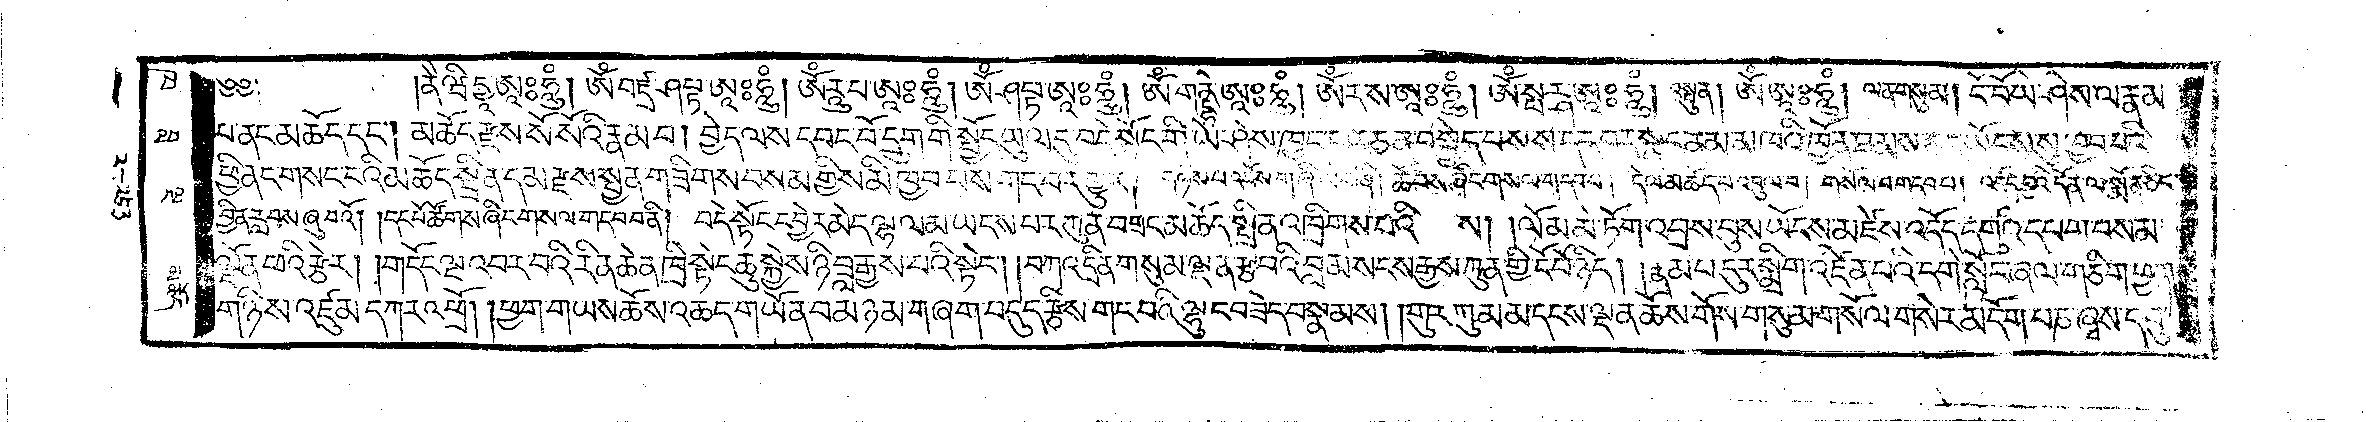༄༅། །ནཻ་ཝི་དྱཱ་ཨཱཿ ཧཱུཾ། ཨོཾ་བཛྲ་ཤཔྟ་ཨཱཿ ཧཱུཾ། ཨོཾ་རཱུ་པ་ཨཱཿ ཧཱུཾ། ཨོཾ་ཤཔྟ་ཨཱཿ ཧཱུཾ། ཨོཾ་གནྡྷེ་ཨཱཿ ཧཱུཾ། ཨོཾ་ར་ས་ཨཱཿ ཧཱུཾ། ཨོཾ་སྤརྴ་ཨཱཿ ཧཱུཾ། འྶྦུན། ཨོཾ་ཨཱཿ ཧཱཱུཾ། ལན་གསུམ། ངོ་བོ་ཡེ་ཤེས་ལ་རྣམ་
པ་ནང་མཆོད་དང་། མཆོད་རྫས་སོ་སོའི་རྣམ་བ། བྱེད་ལས་དབང་བོ་དྲུག་གི་སྤྱོད་ཡུལ་དུ་བདེ་སྟོང་གི་ཡེ་ཤེས་ཁྱད་བར་ཅན་བསྐྱེད་པས་ས་དང་བར་སྣང་ནམ་མཁའི་ཁྱོན་ཐམས་ཅད་ཡོངས་སུ་བྱ་བ་པའི་
ཕྱི་ནང་གསང་བའི་མཆོད་སྤྲིན་དམ་རྫས་སྤྱན་གཟིགས་བསམ་གྱིས་མི་ཁྱབ་པས་གང་བར་གྱུར། གཉིས་བ་འྔོས་གཞི་ལ་བཞི། ཚོ་བས་ཞིང་གསལ་གདབ་བ། དེ་ལ་མཆོད་པ་འབུལ་བ། གསོལ་བ་གདབ་བ། འདོད་བྱའི་དོན་ལ་སྨོན་ཅིང་
བྱིན་རླབས་ཞུ་བའོ། །དང་པོ་ཚོགས་ཞིང་གསལ་གདབ་བ་ནི། བདེ་སྟོང་དབྱེར་མེད་ལྷ་ལམ་ཡངས་བར་ཀུན་བགྲང་མཆོད་སྤྲིན་འཁྲིགས་བའི་ས། ལོམ་མེ་ཏོག་འབྲས་བུས་ཡོངས་མཛེས་འདོད་དགུའི་དཔག་བསམ་
ལྗོན་ཕའི་རྩེར། །གདོང་ལྔ་འབར་བའི་རིན་ཆེན་ཁྲི་སྟེང་ཆུ་སྐྱེས་ཉི་བྲལ་རྒྱས་བའི་སྟེང་། །བཀའ་དྲིན་གསུམ་ལྡན་རྩའི་བའི་བླ་མས་སངས་རྒྱས་ཀུན་གྱི་ངོ་བོ་ཉིད། རྣམ་པ་དུར་སྨྲིག་འཛིན་བའི་དགེ་སློང་ཞལ་གཅིག་ཕྱག་
གཉིས་འཛུམ་དཀར་འཕྲོ། །ཕྱག་གཡས་ཆོས་འཆད་གཡོན་བ་མཉམ་གཞག་བདུད་རྩིས་གང་བའི་ལྷུང་བཟེད་བསྣམས། །གུར་ཀུམ་མདངས་ལྡན་ཆོས་གོས་གསུམ་གསོལ་གསེར་མདོག་པཎ་ཞྭས་དབུ་